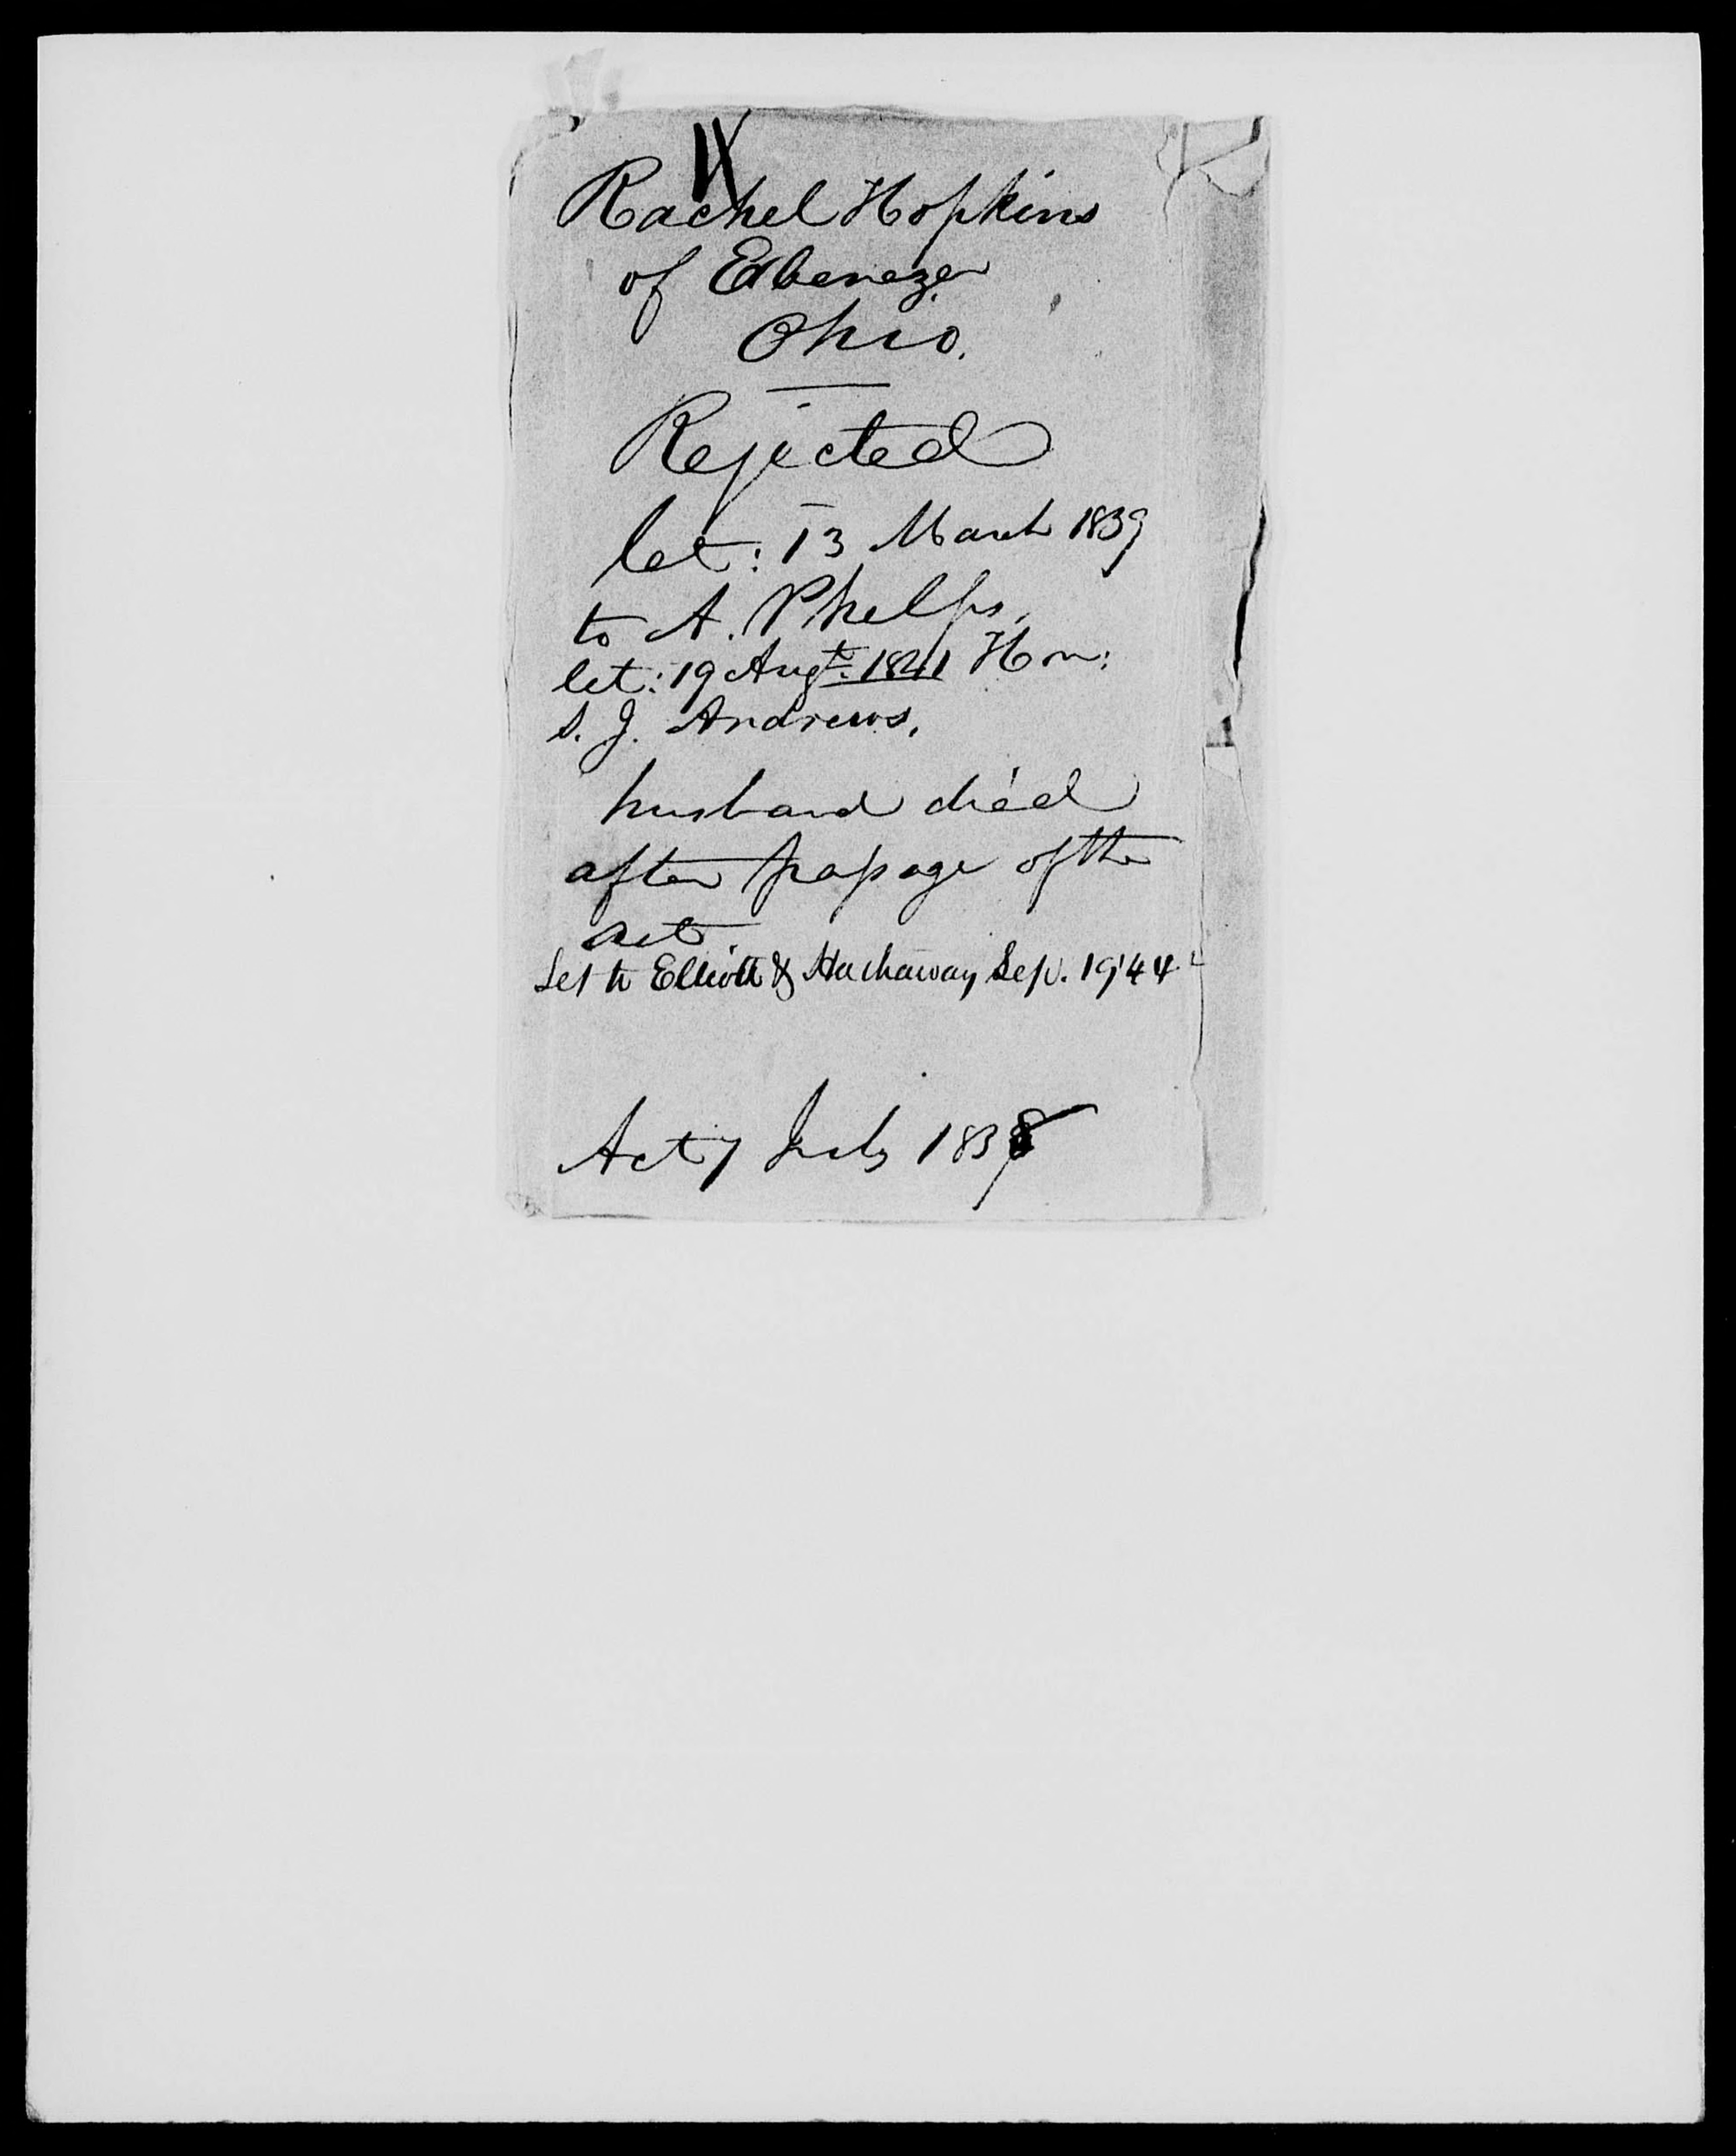Rachel Hopkins
of Ebenezer
Ohio
Rejected
let: 13 March 1839
to A. Phelps,
let: 19 Aug 1841 Hon:
S. J. Andrews
husband died
after passage of the Act
Let to Elliott & Hathaway Sep. 1944
Act 7 July 1838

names: Rachel Hopkins, S J Andrews, A Phelps, Elliott, Hathaway, Ebenezer Hopkins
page: 81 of 144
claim: rejected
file: R. 5208, Dennis Hopkins, N.C.